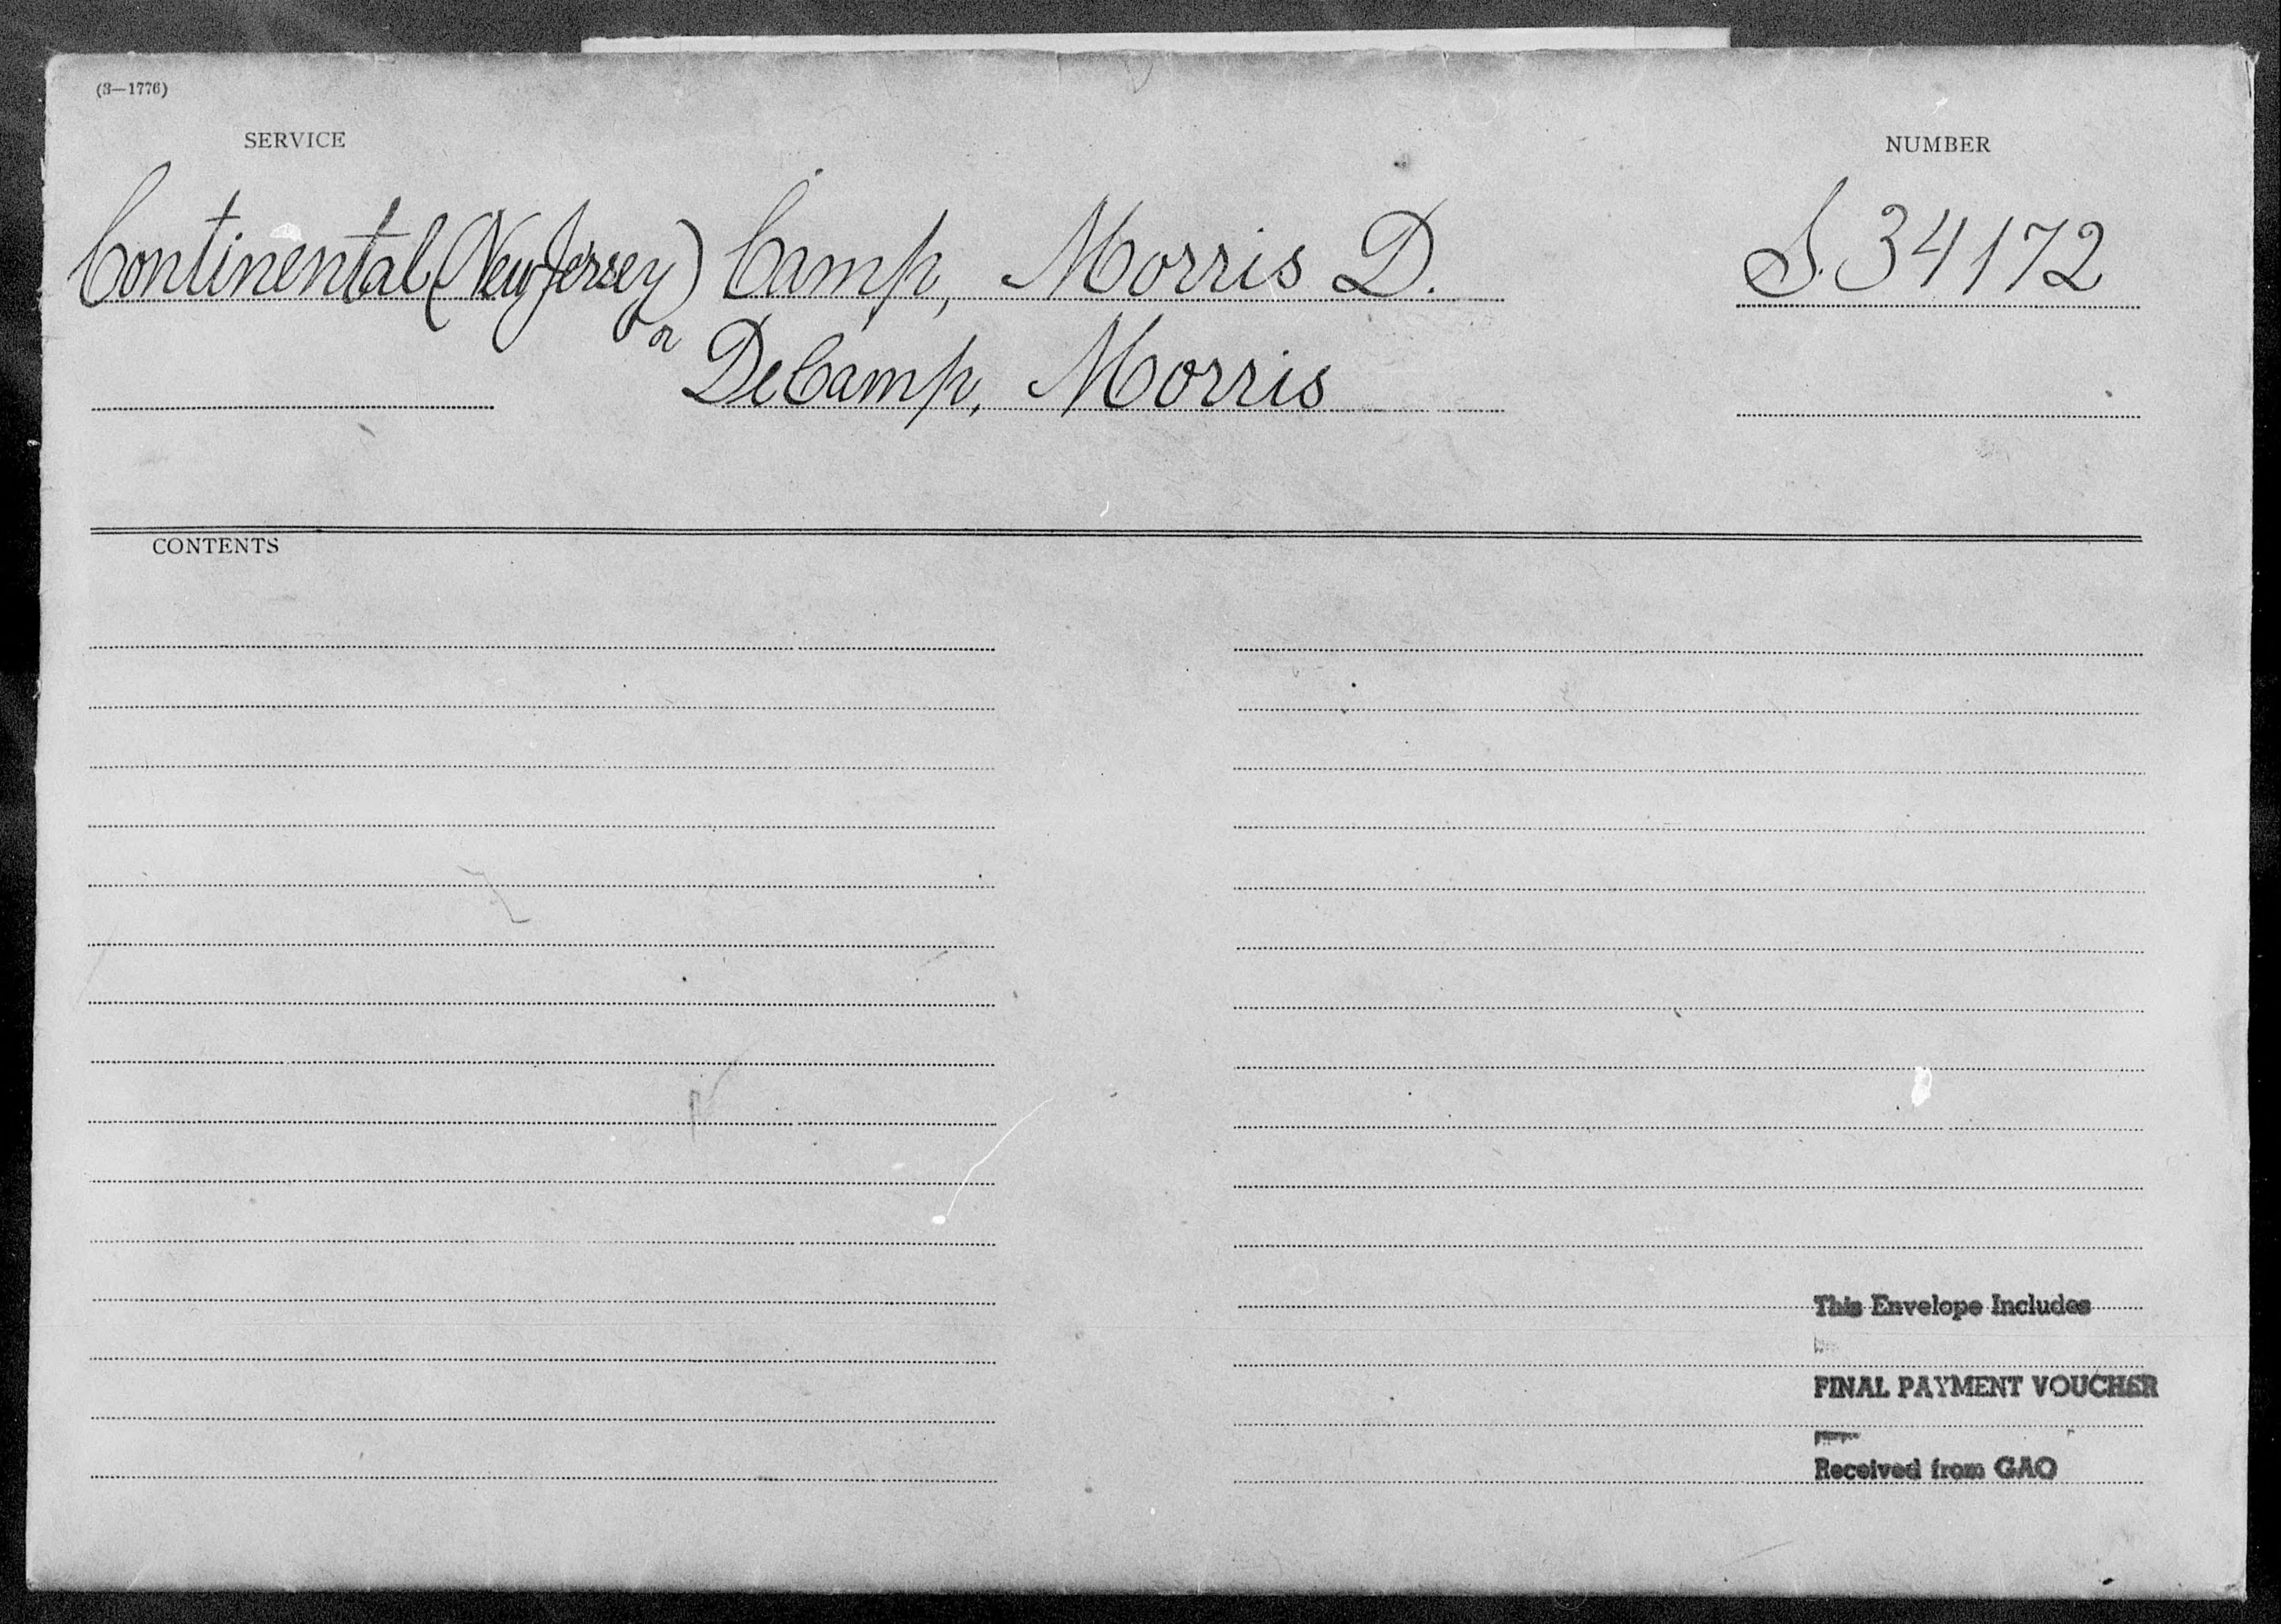Service 
Continental (New Jersey)
Camp, Morris D. or 
DeCamp, Morris 
Number
S.34172

This Envelope Includes 
FINAL PAYMENT VOUCHER 
Received from GAO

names: Morris Decamp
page: 1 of 52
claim: survivor's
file: S. 34172, Morris D Camp, Continental (New Jersey)